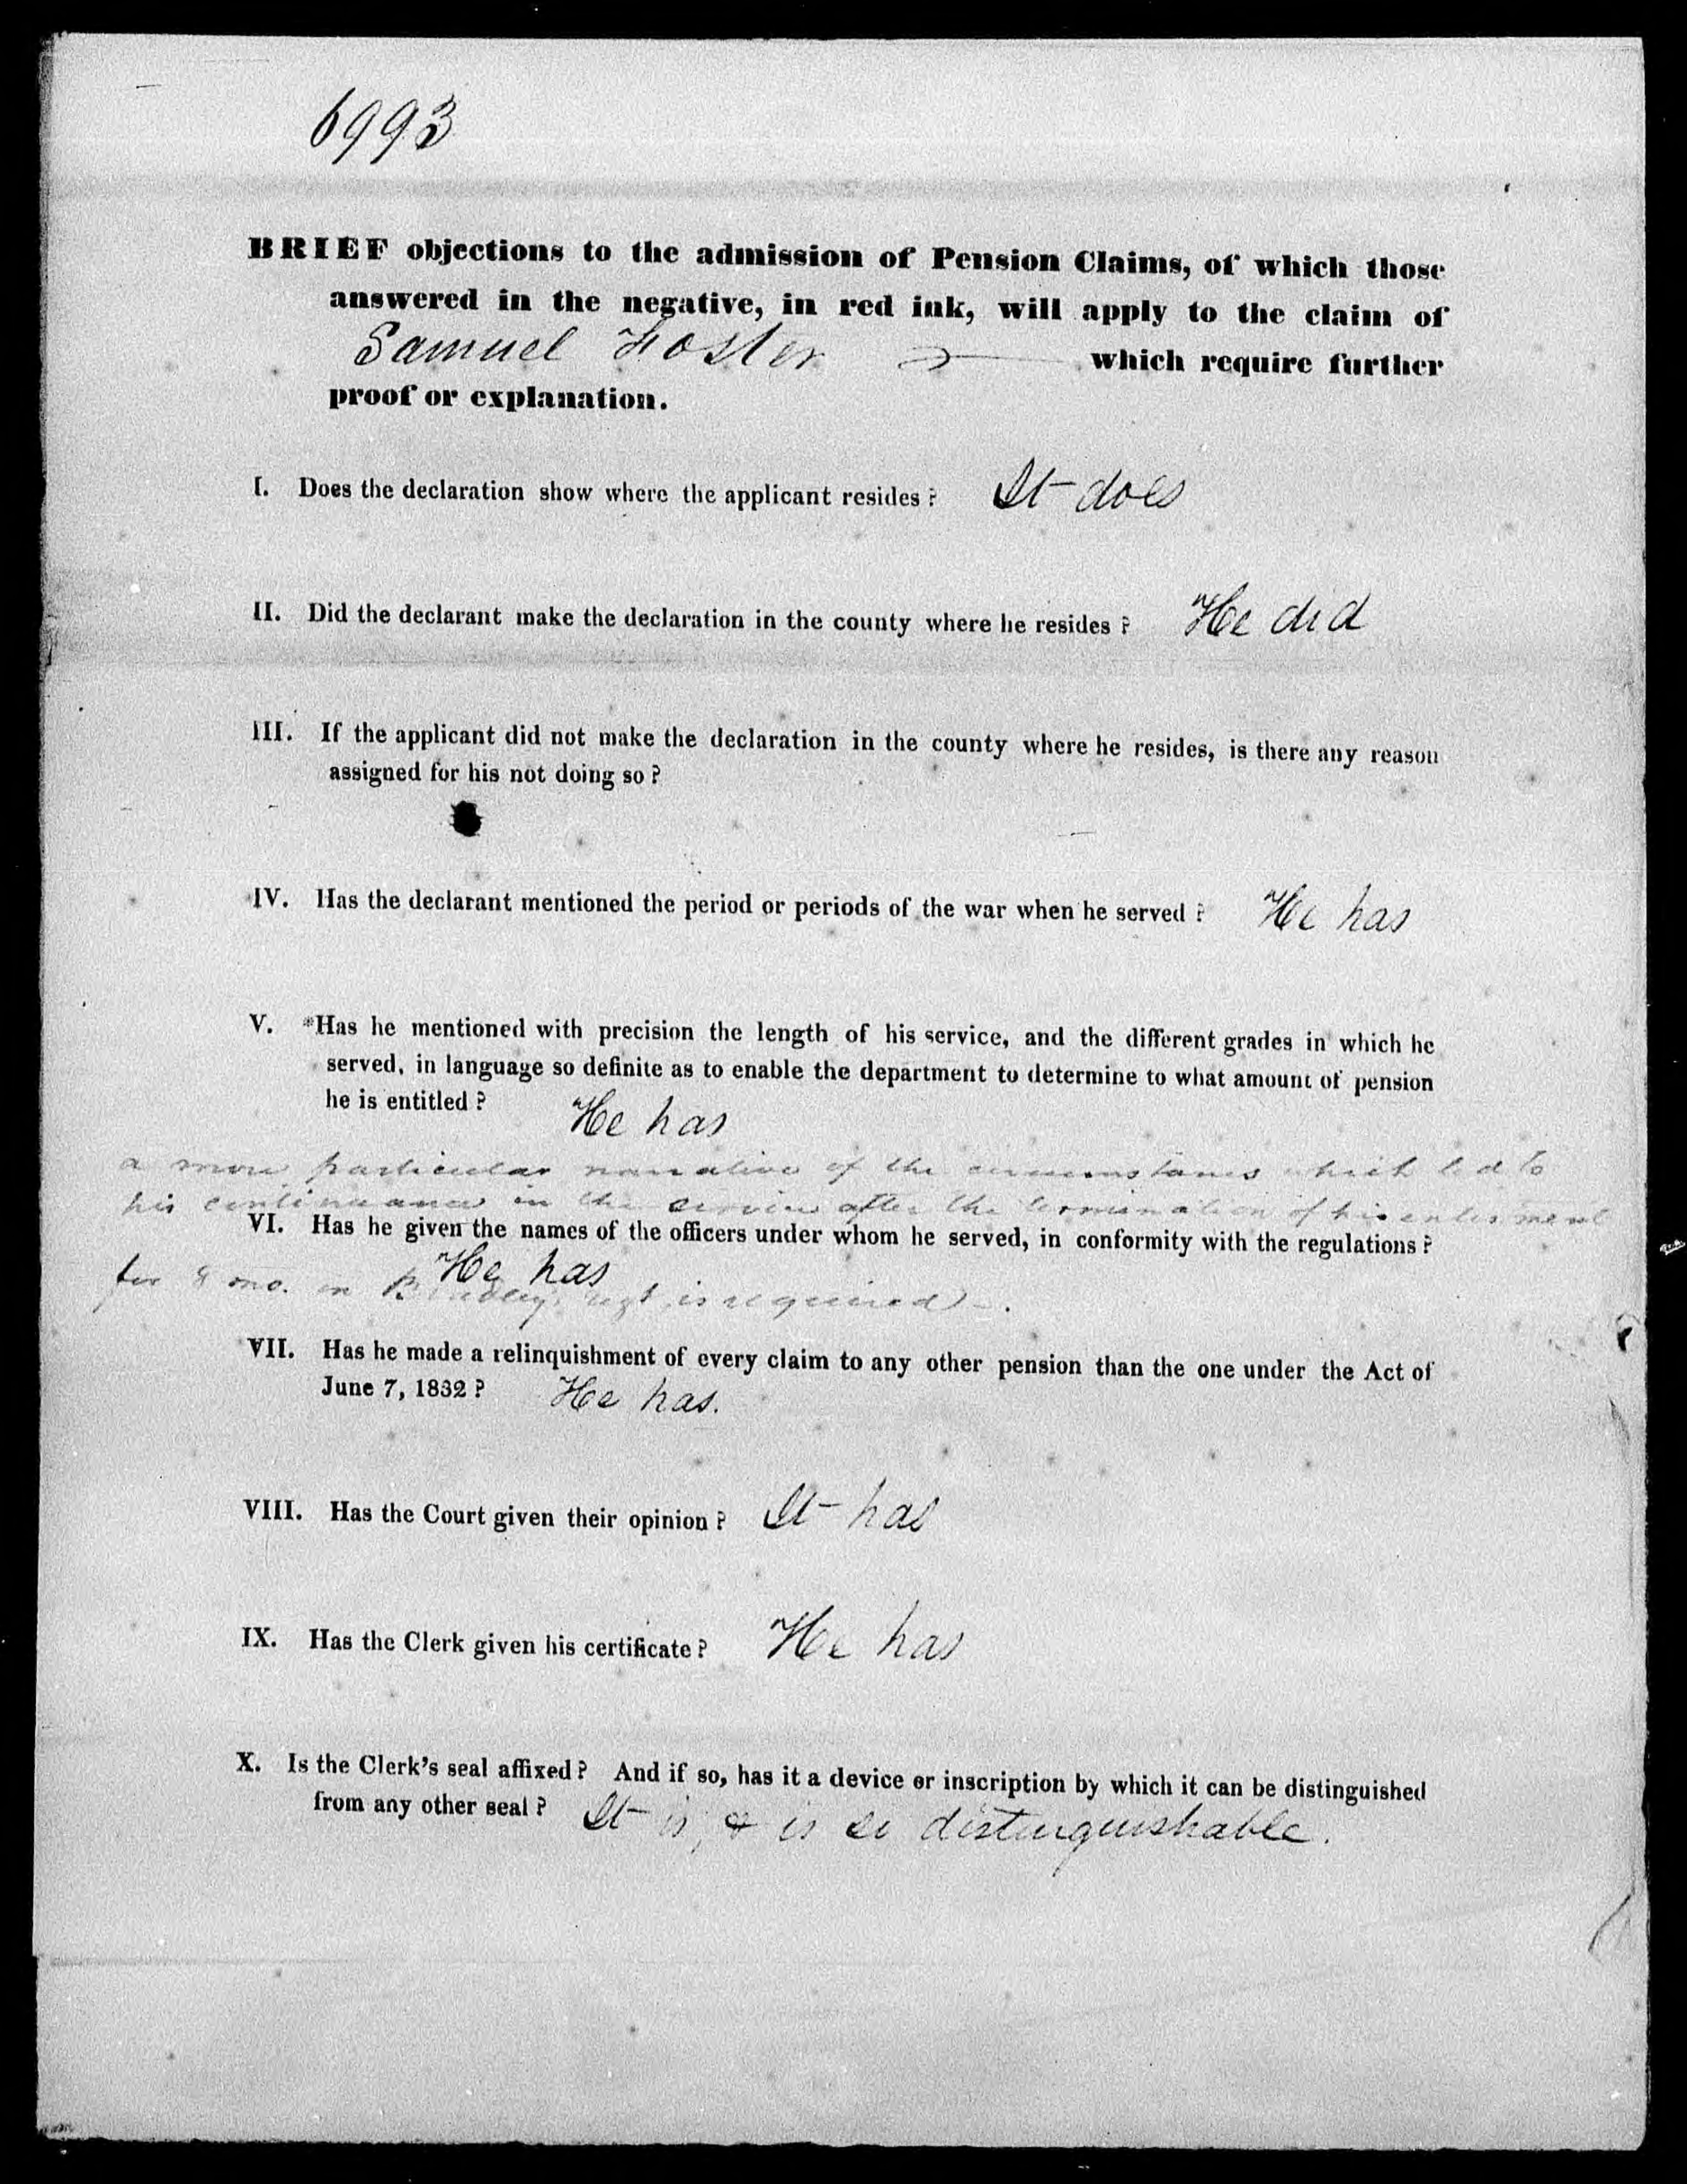6993
BRIEF objections to the admission of Pension Claims, of which those answered in the negative, in red ink, will apply to the claim of Samuel Foster which require further proof of explanation.
I. Does the declaration show where the applicant resides? It does
II. Did the declarant make the declaration in the county where he resides? He did
III. If the applicant did not make the declaration in the county where he resides, is there any reason assigned for his not doing so?
IV. Has the declarant mentioned the period or periods of the war when he served? He has
V. Has he mentioned with precision the length of his service, and the different grades in which he served, in language so definite as to enable the department to determine to what amount of pension he is entitled? He has
[handwritten notation inserted between entries for  V., VI. and VII.] a more particular narrative of the circumstances which led to his continuance on the service after the termination of his enlistment for 8 mo. in Bradley's regt is required.
VI. Has he given the names of the officers under whom he served, in conformity with the regulations? He has
VII. Has he made a relinquishment of every claim to any other pension that the one under the Act of June 7,  1832? He has.
VIII. Has the Court given their opinion? It has
IX. Has the Clerk given his certificate? He has
X. Is the Clerk's seal affixed? And if so, has it a device or inscription by which it can be distinguished from any other seal? It is & is so distinguishable.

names: Samuel Foster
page: 21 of 54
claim: survivor's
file: S. 13,043, Samuel Foster, Conn.